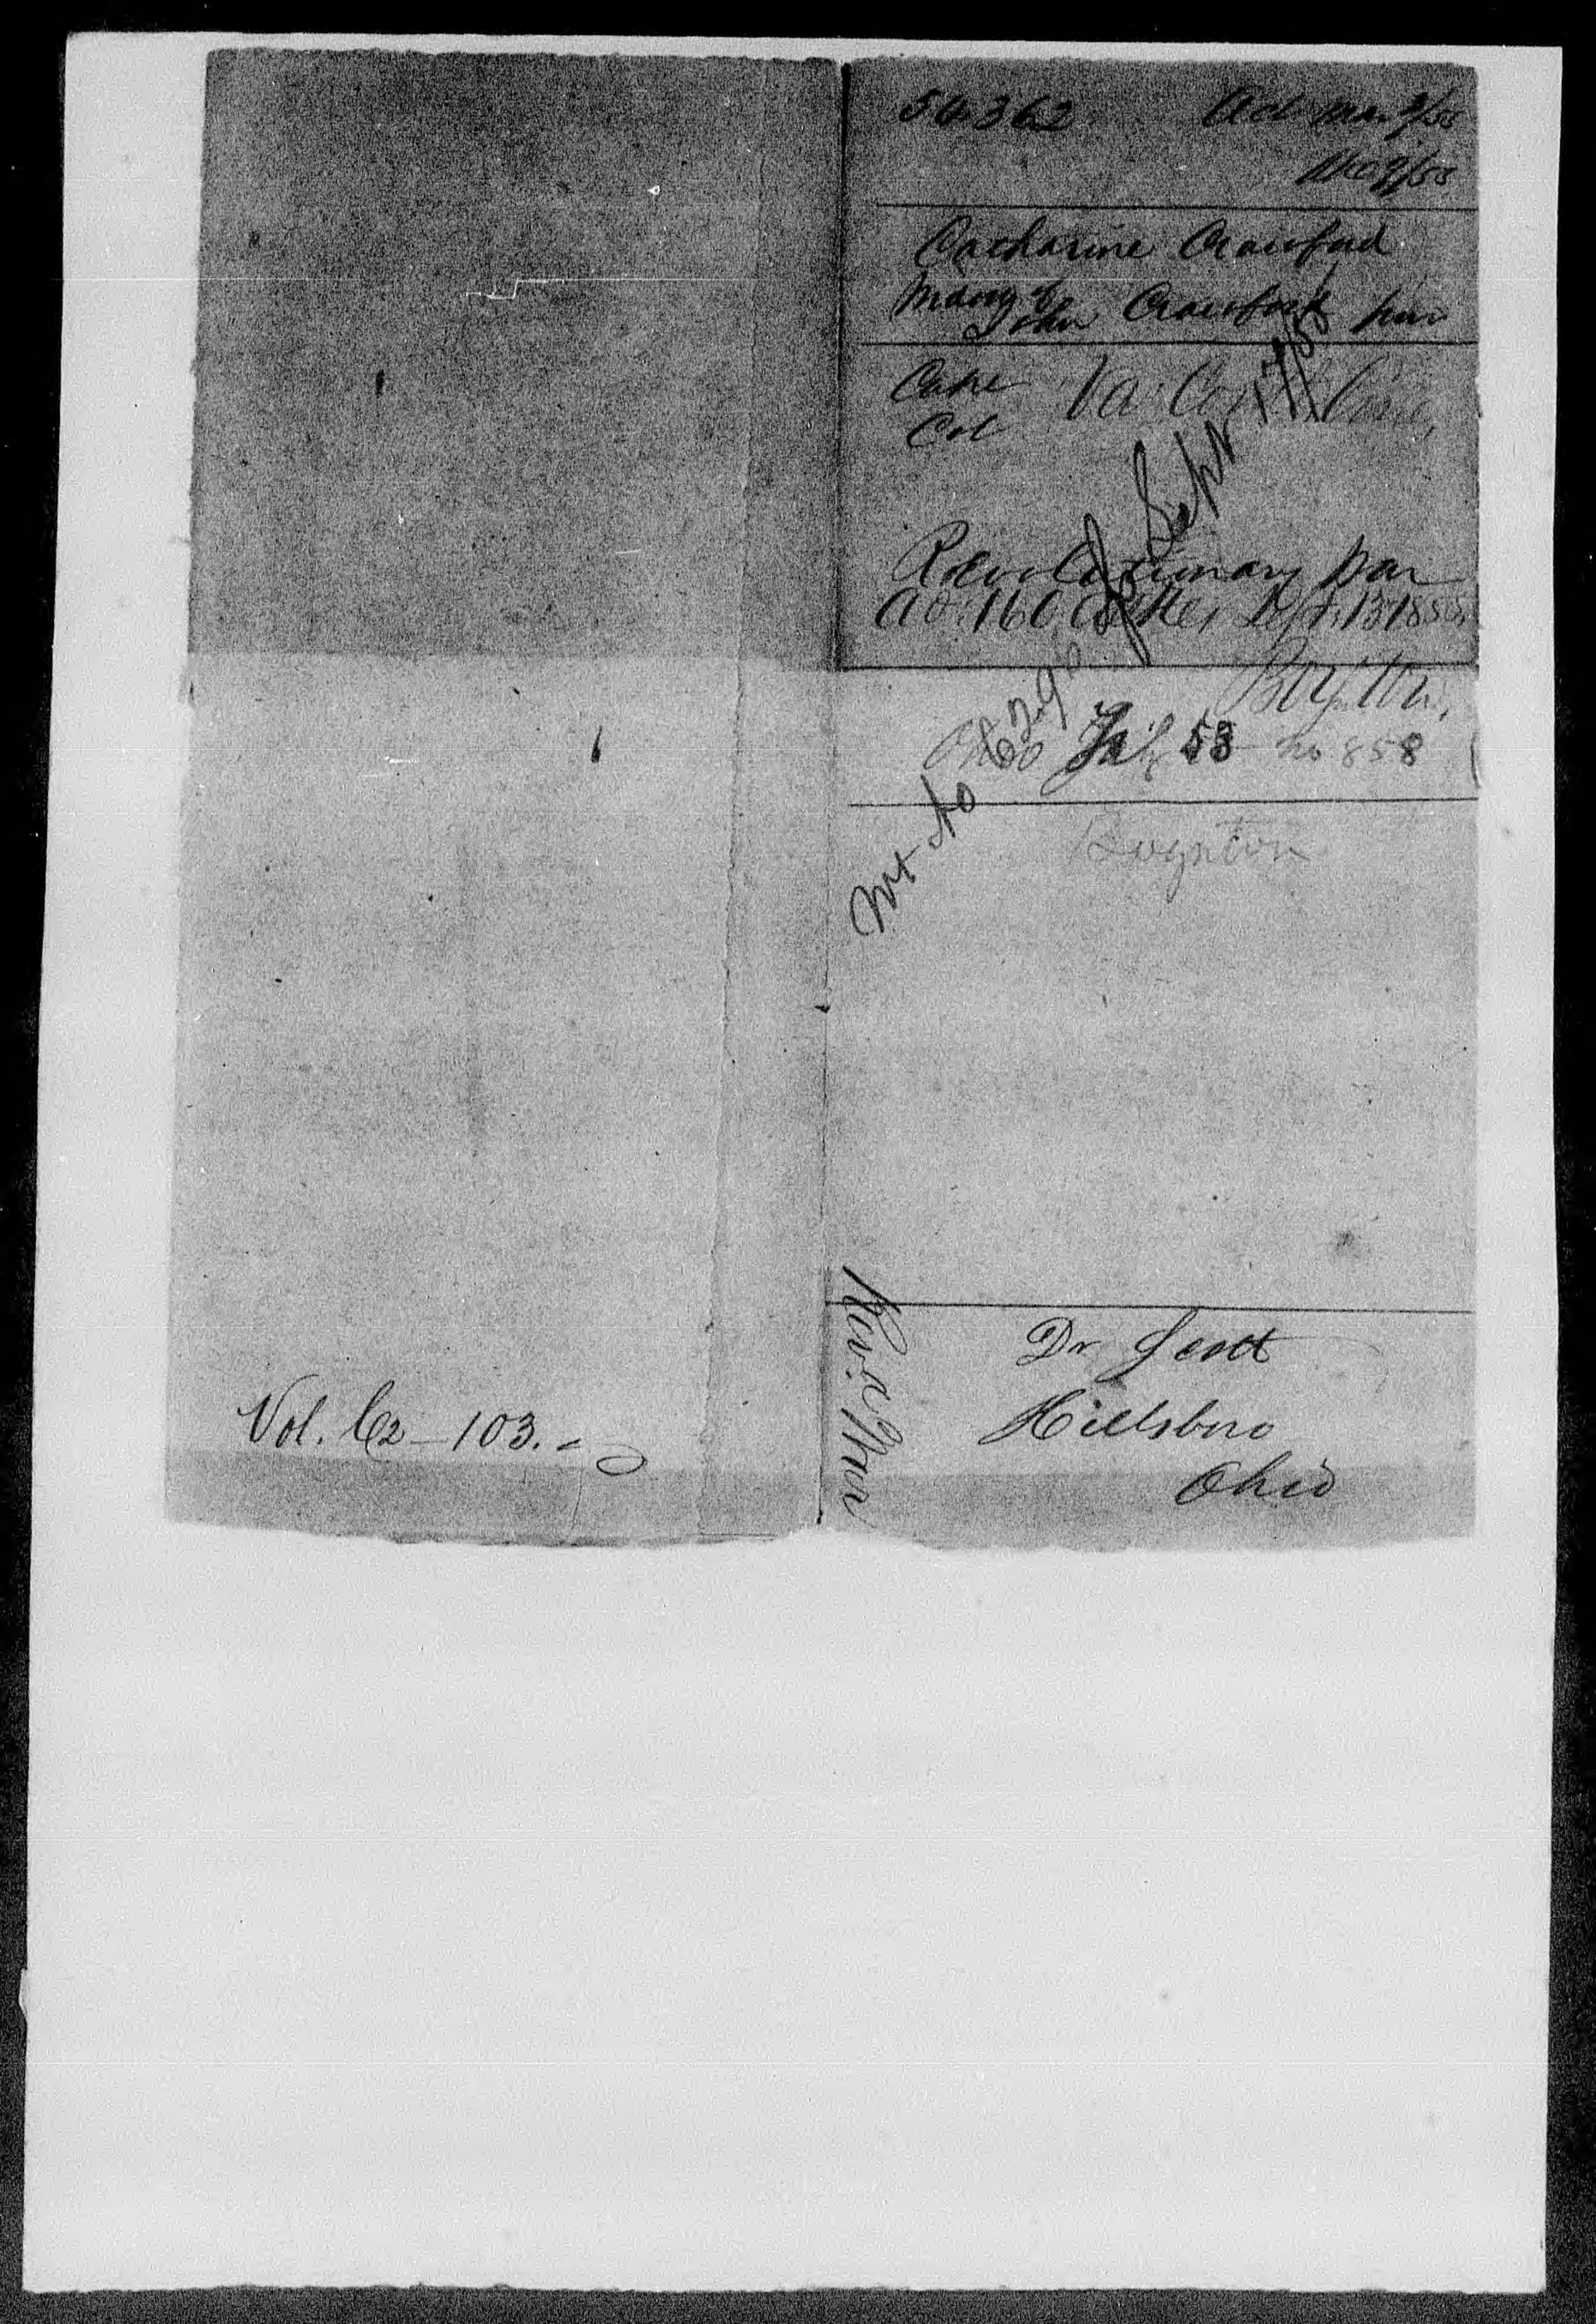Vol. 62 103

50632   Act ma 2/55
No. 9/55

Catherine Crawford
Widow of John Crawford

Capt. Col. Va Catherine

Revolutionaly war
Ao 160 after Sept 13, 1850

Boynton
Jul '58  no. 858

Boynton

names: John Crawford, Catharine Crawford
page: 12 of 80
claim: widow's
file: W 2070, John Crawford, Penn.